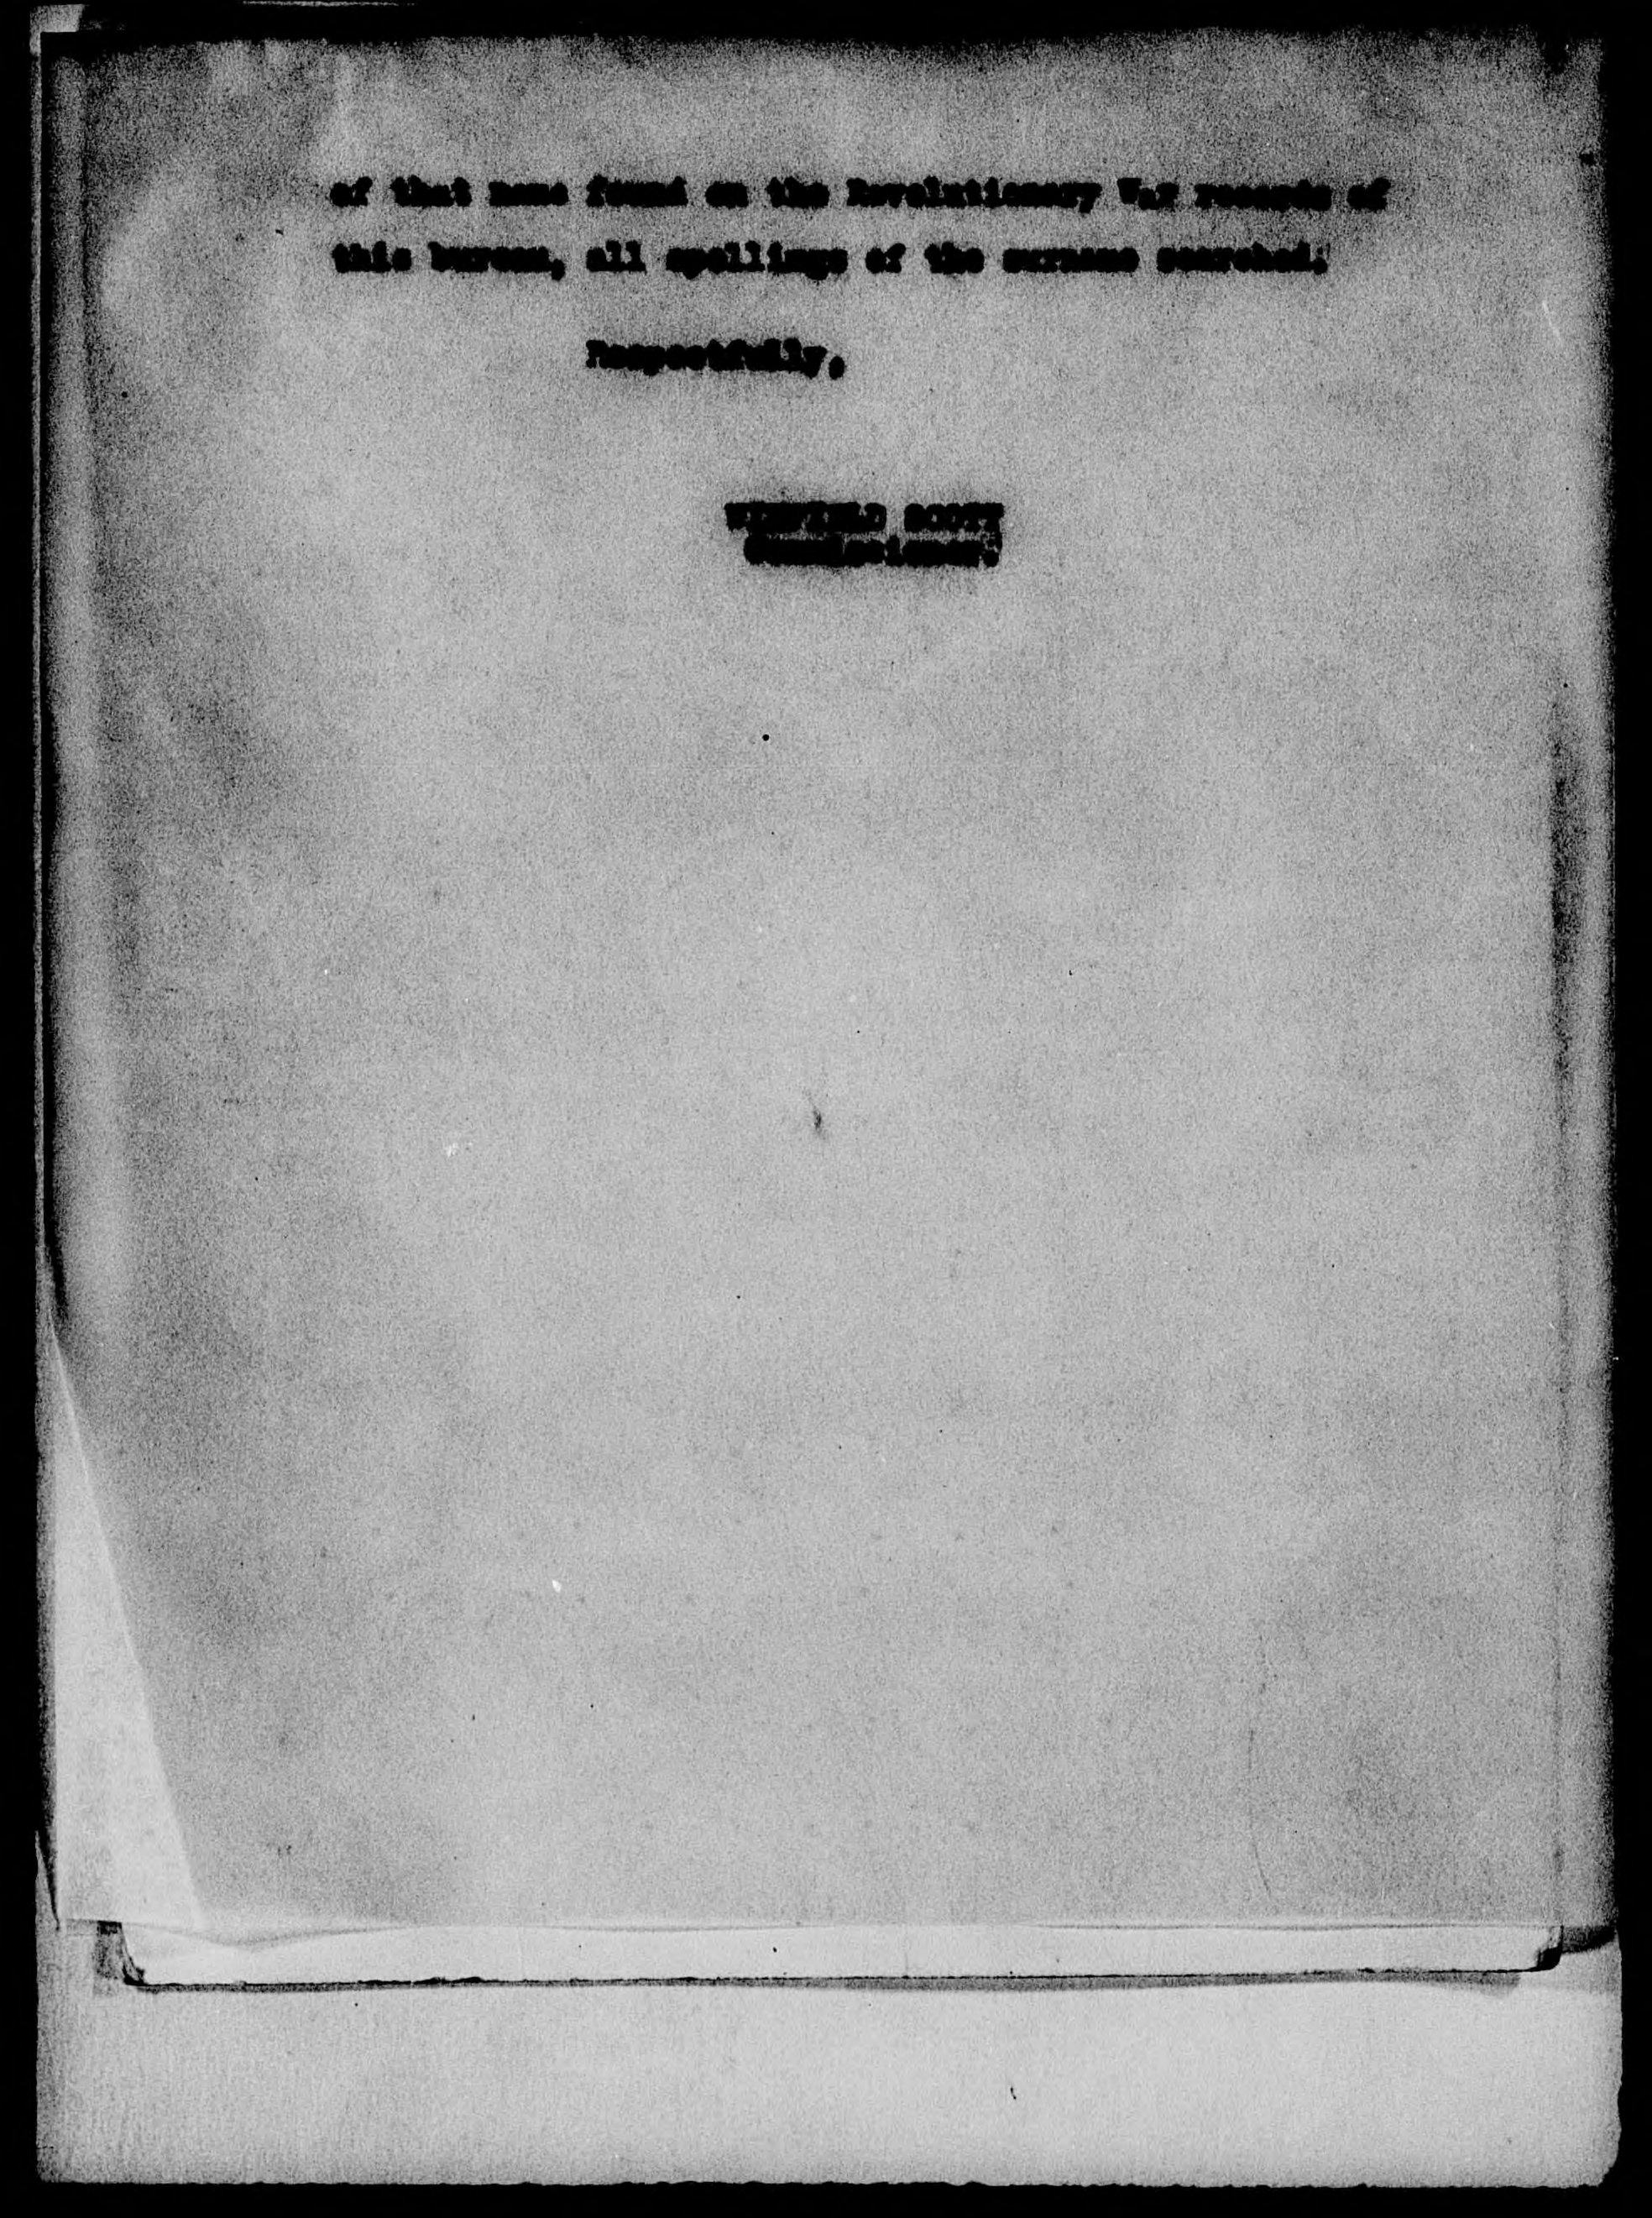of that name found on the Revolutionary War records of this bureau, all spellings of the surname searched. 
Respectfully, 

Winfield Booth 
Commissioner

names: Winfield Scott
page: 9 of 10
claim: survivor's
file: S. 32,841, Edward Houghton, N.H.